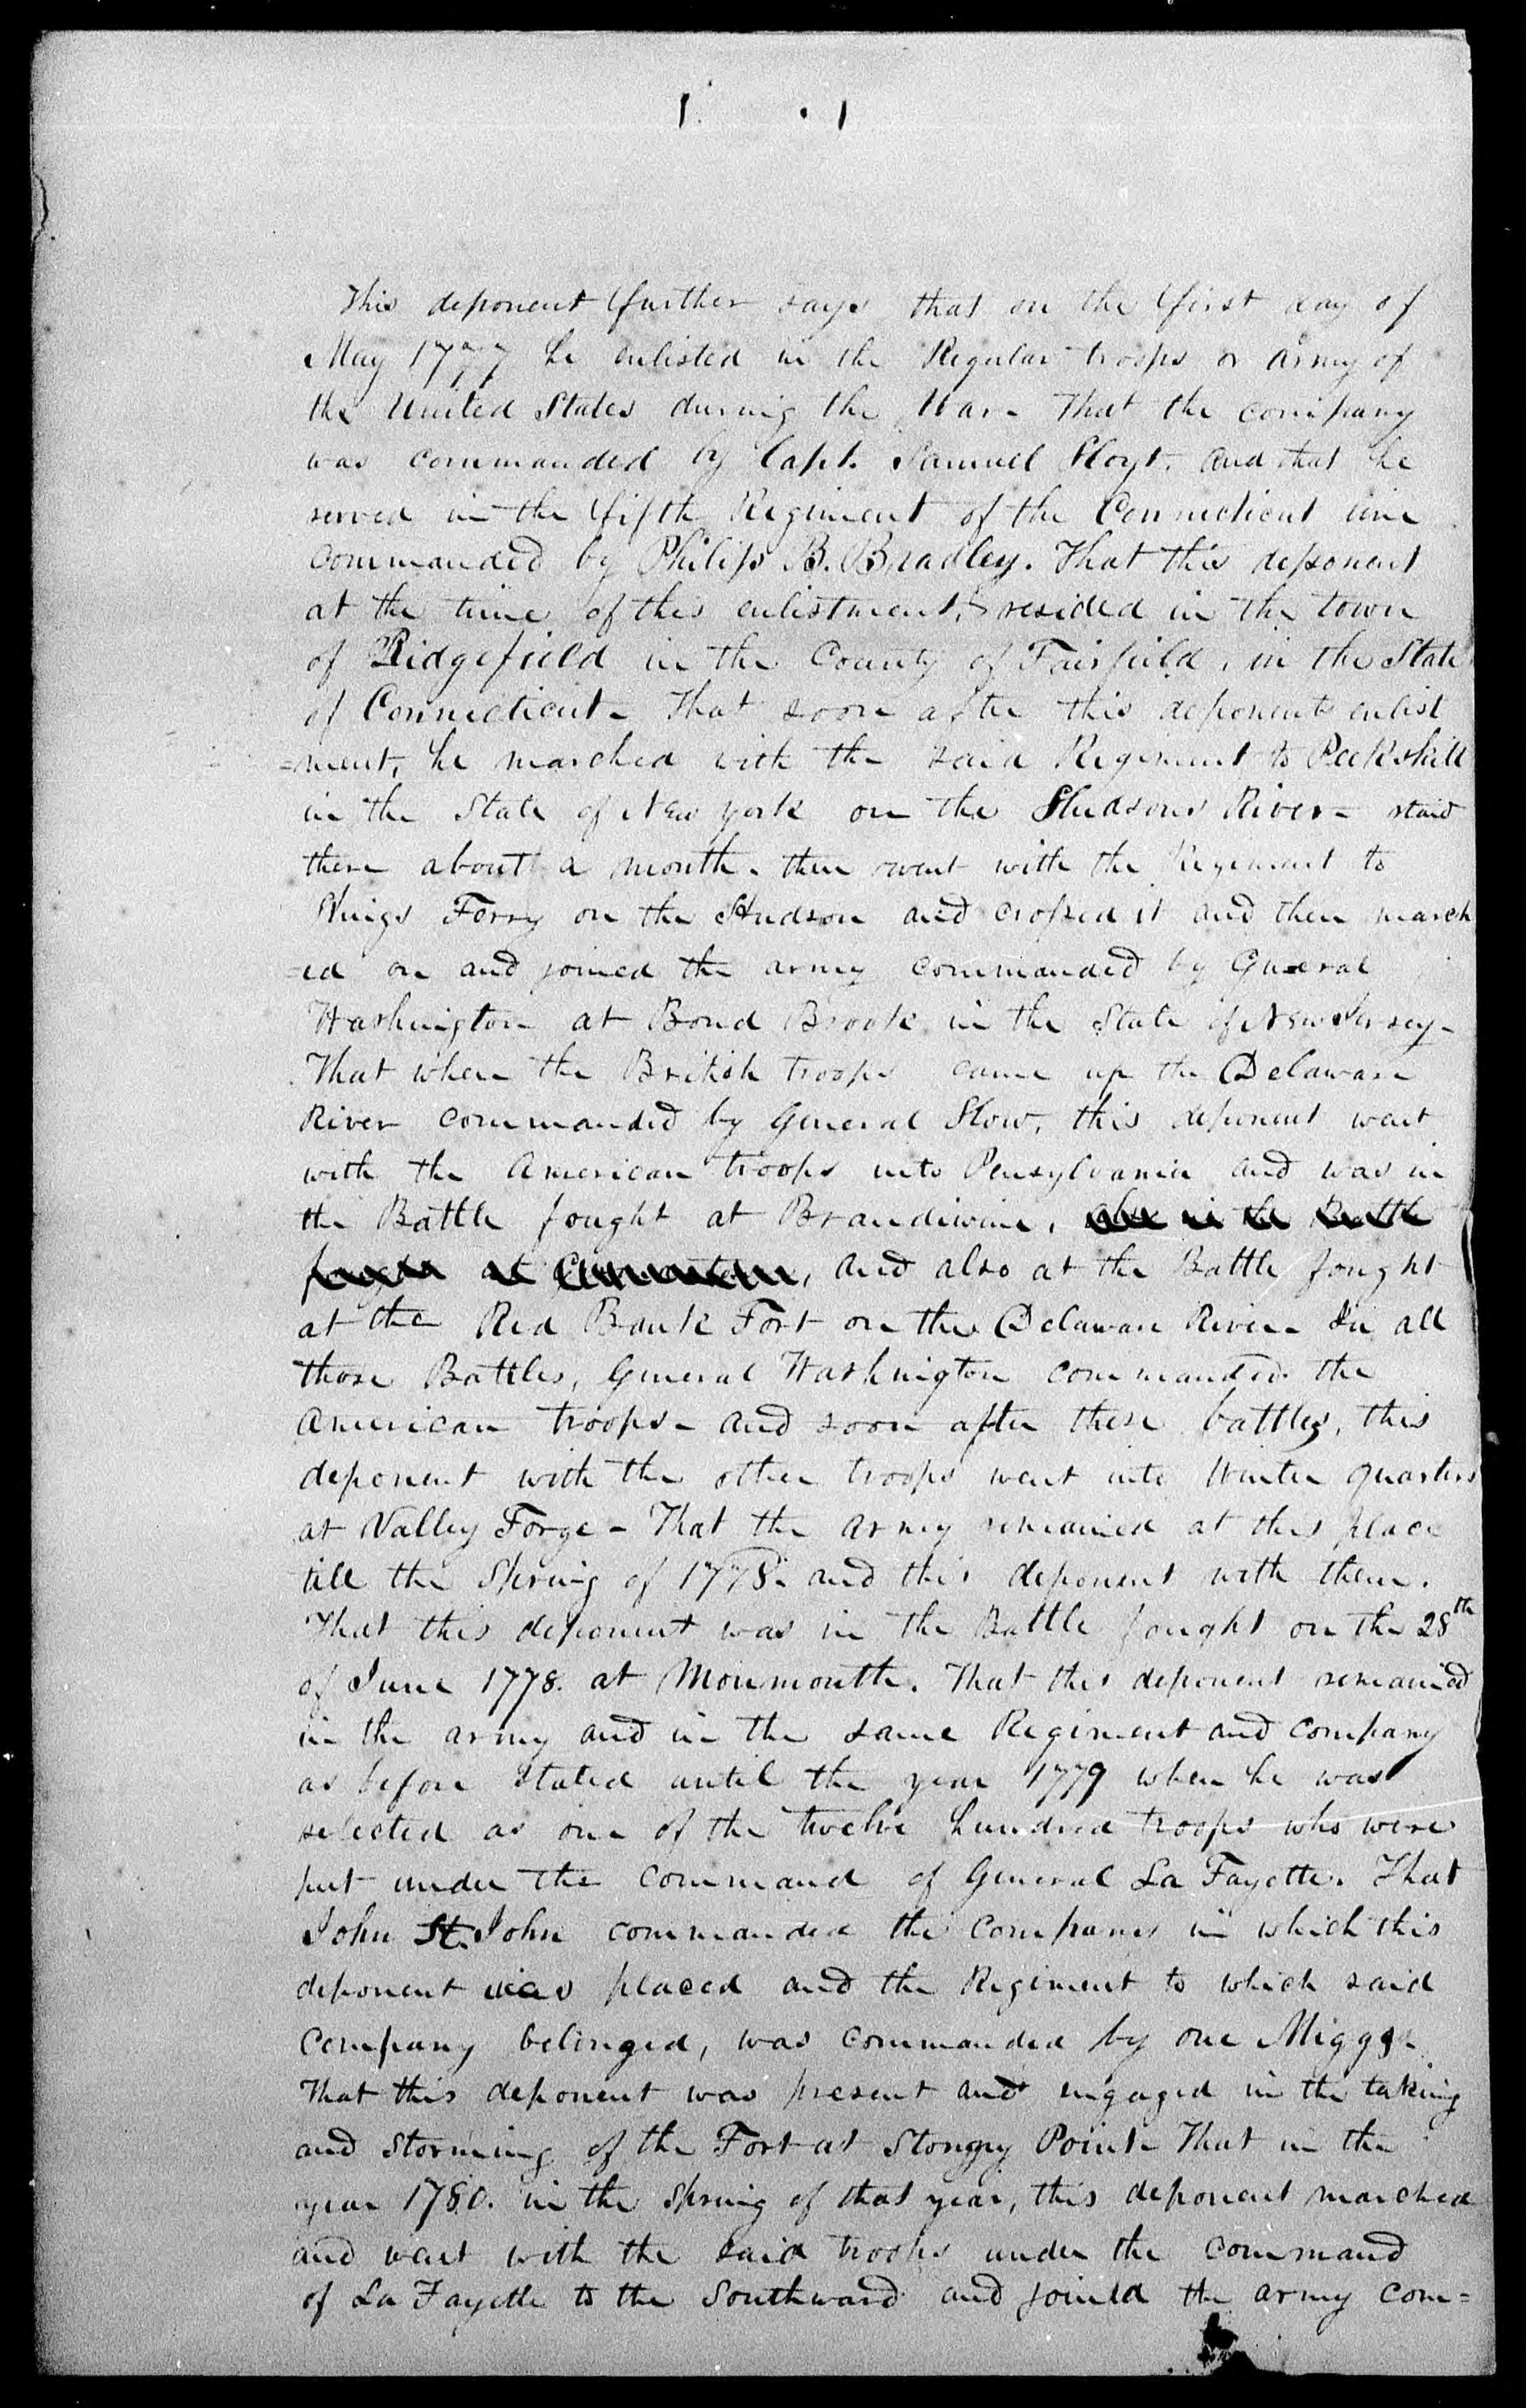This deponent further says that on the first day of May 1777 he enlisted in the Regular troops or army of the United States during the War. That the company was commanded by Capt. Samuel Hoyt. and that he served in the fifth Regiment of the Connecticut line commanded by Philip B. Bradley. That this deponent at the time of this enlistment resided in the town of Ridgefield in the County of Fairfield in the State of Connecticut. That soon after this deponents enlist=ment, he marched with the said Regiment to Peekskill in the State of New York on the Hudson River. staid there about a month. then went with the Regiment to Wright Ferry on the Hudson and crossed it and then march=ed on and joined the army commanded by General Washington at Bond Brook in the State of New Jersey. That when the British troops  came up the Delaware River commanded by General How, this deponent went with the American troops into Pensylvania and was in the Battle fought at Brandiwine, [words crossed out] and also at the Battle fought at the Red Bank Fort on the Delaware River. In all those Battles, General Washington commanded the American troops _ and soon after these battles, this deponent with the other troops went into Winter quarters at Valley Forge _ That the army remained at this place till the Spring of 1778. and this deponent with them. That this deponent was in the Battle fought on the 28th of June 1778. at Monmouth. That this deponent remained in the army and in the same Regiment and company as before stated until the year 1779 when he was selected as one of the twelve hundred troops who were put under the command of General La Fayette. That John St. John commanded the company in which this deponent was placed and the Regiment to which said company belonged, was commanded by one Miggs. That this deponent was present and engaged in the taking and storming of the Fort at Stoney Point. That in the year 1780. in the spring of that year, this deponent marched and went with the said troops under the command of La Fayette to the Southward and joined the army com=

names: La Fayette, Philip B Bradley, Samuel Hoyt, Washington, Miggs, La Fayette, Show, John H John, Washington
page: 6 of 54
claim: survivor's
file: S. 13,043, Samuel Foster, Conn.